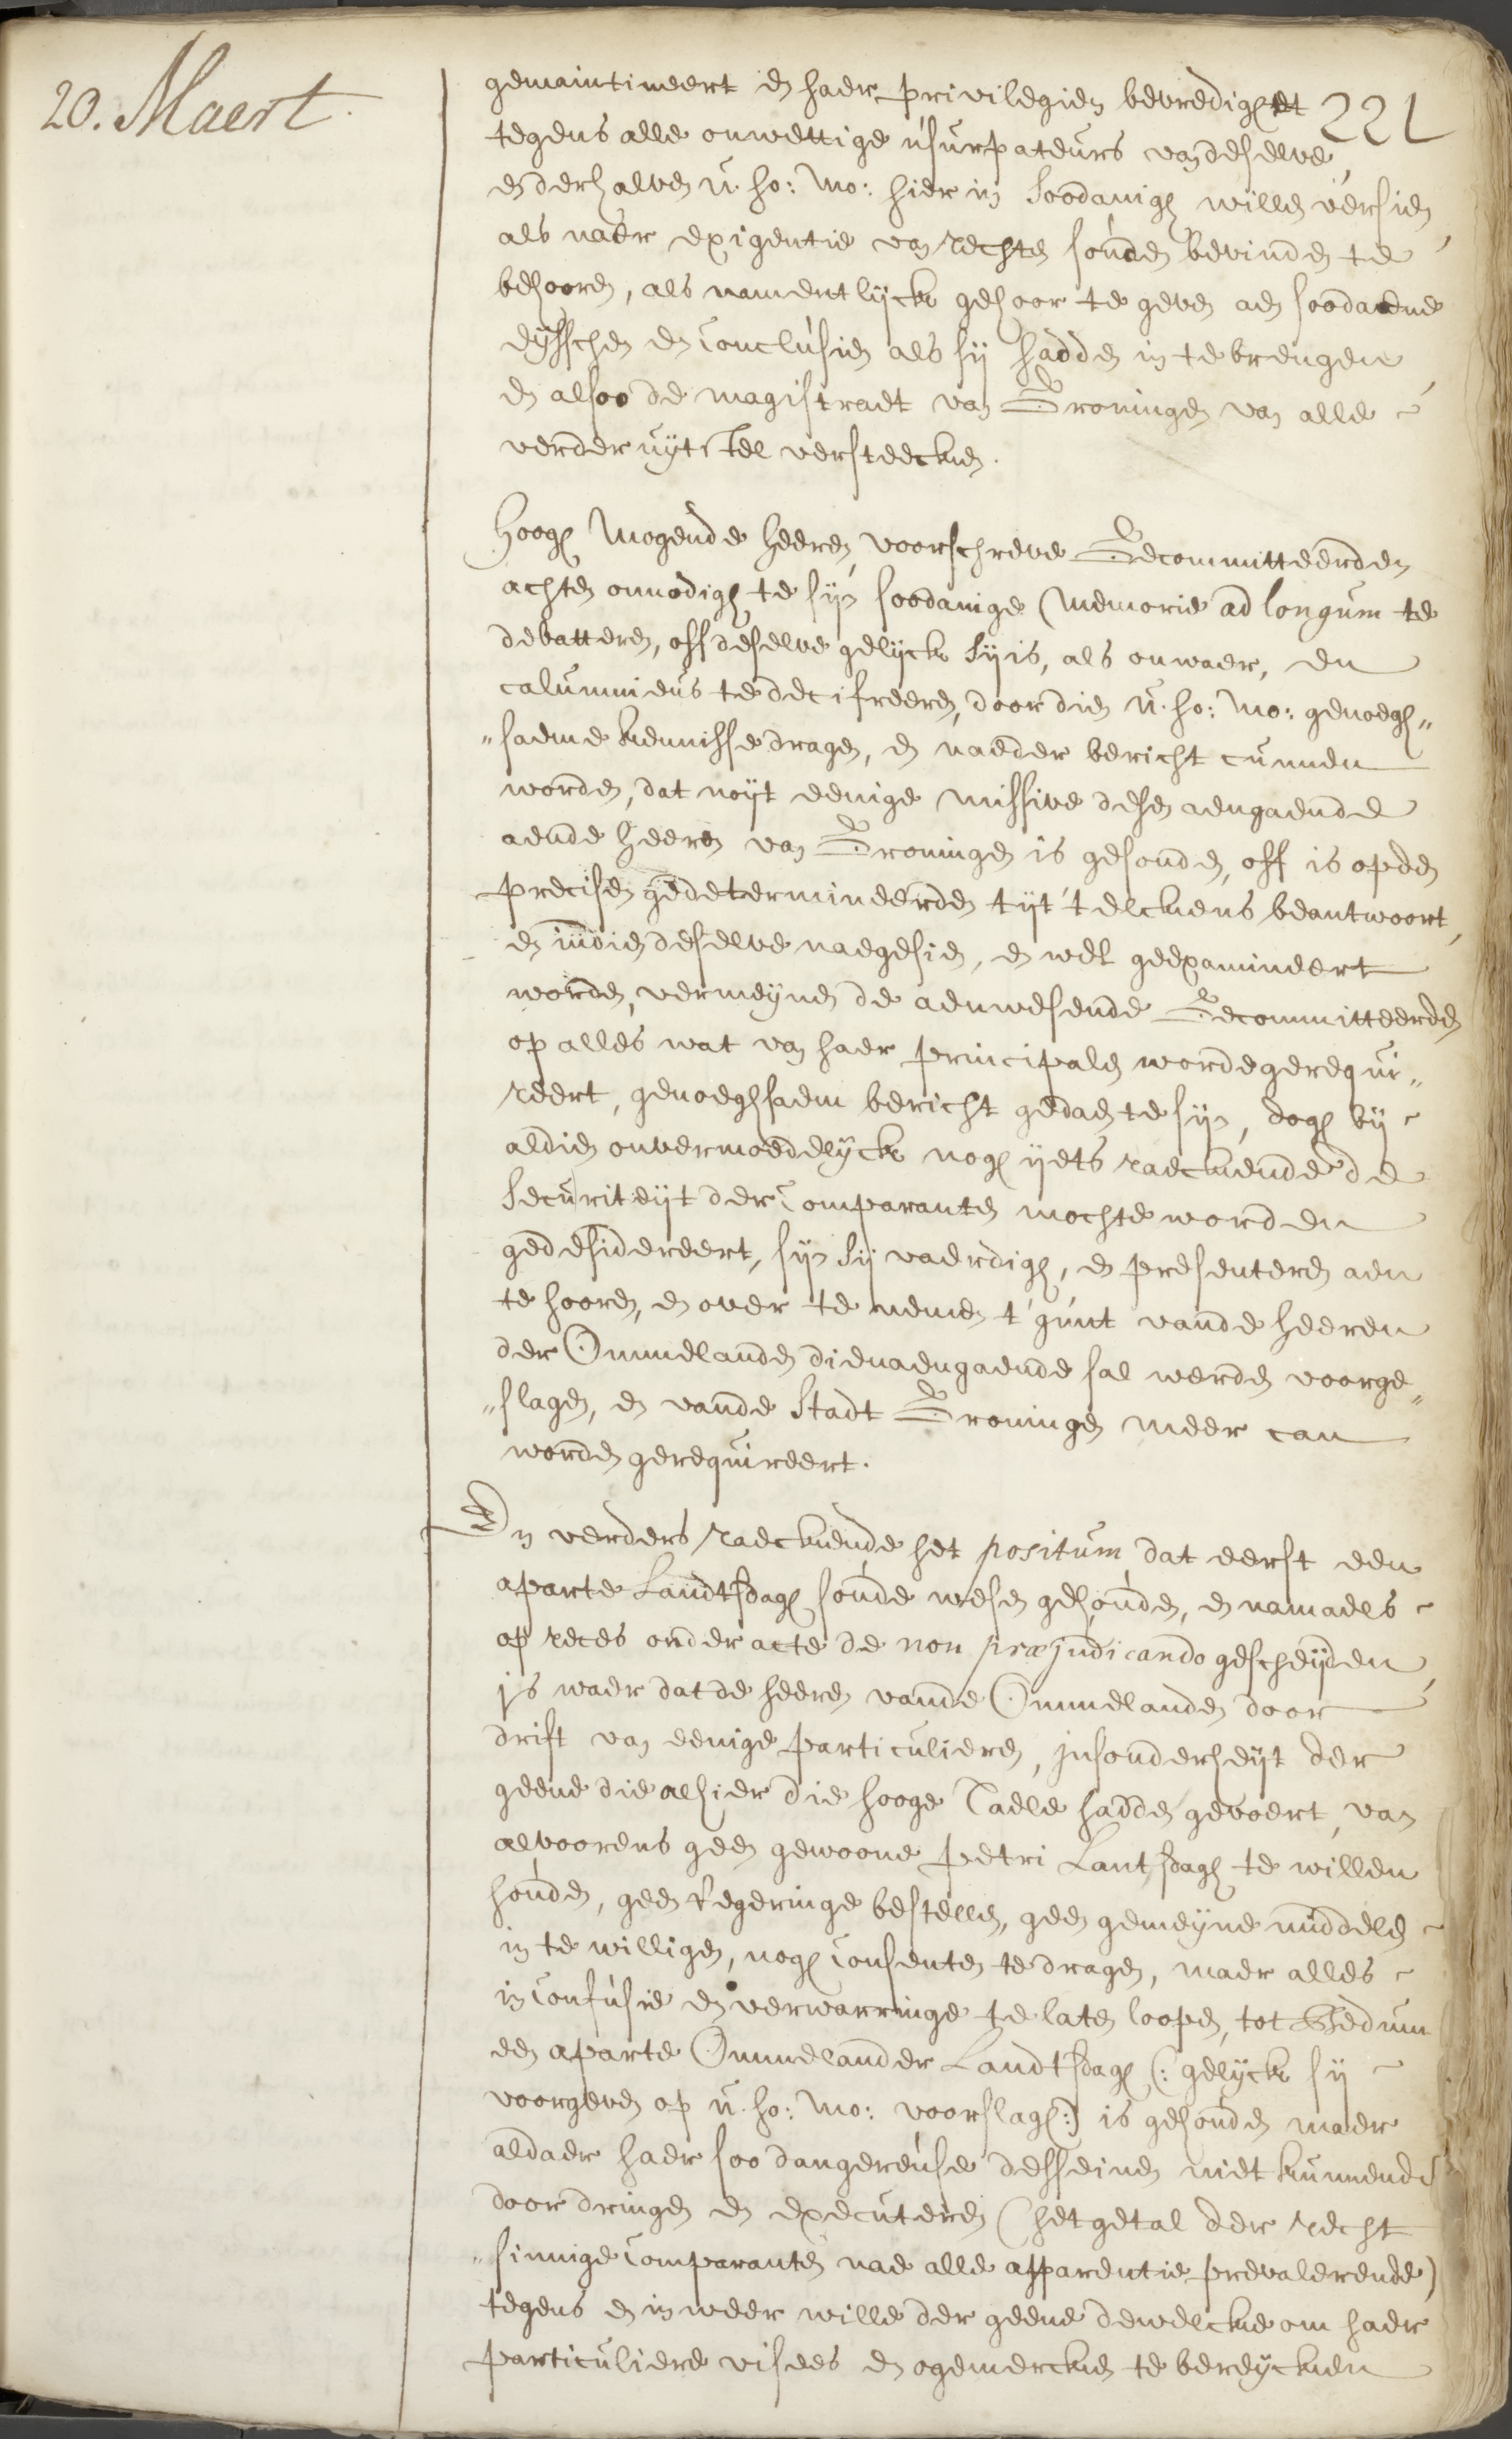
221
20. Maert.
gemaintineert en haer privilegien bevredighet
tegens alle onwettige usurpateurs van deselve,
en derhalven u ho:Mo: hier in soodanigh willen versien,
als naer exigentie van rechten souden bevinden te
behooren, als namentlijck gehoor te geven aen soodaene
eijsschen en Conclusien als sij hadden in te brengen
en alsoo de magistraet van Groningen van alle
verder uijtstel versteecken.
Hoogh Mogende heeren, voorschreve Gecommitteerden
achten onnodigh te sijn soodanige memorie ad longum te
debatteren, off deselve gelijck sijns, als onwaer, en
calumnieus te decifreeren, door dien U. ho:Mo: genoegh„
„saeme kennisse dragen, en naeder bericht cunnen
worden, dat noijt eenige missive desen aengaende
aende heeren van Groningen is gesonden, off is opden
precisen gedetermineerden tijt ‛telckens beantwoort,
en indien deselve naegesien, en wel geexamineert
worden, vermeijnen de aenwesende Gecommitteerden
op alles wat van haer principalen worde gerequi„
reert, genoeghsaem bericht gedaen te sijn, dogh bij
aldien onvermoedelijck nogh ijets raeckende de
Securiteijt der Comparanten mochte worden
gedesidereert, sijn Sij vaerdigh, en presenteren aen
te hooren, en over te nemen t'gunt vande heeren
der Ommelanden dienaengaende sal werden voorge„
„slagen, en vande Stadt Groningen meer can
worden gerequireert.
En verders, raeckende het positum dat eerst een
aparte Landtsdagh soude wesen gehouden, en namaels
op reces onder acte de non præjudicando gescheijden,
Is waer dat de heeren vande Ommelanden door
drift van eenige particulieren, insonderheijt der
geene die alhier die hooge Taele hadden gevoert, van
alvoorens geen gewoone Petri Lantsdagh te willen
houden, geen Regeringe bestellen, geen gemeijne middelen
in te willigen, nogh consenten te dragen, maer alles
in Confusie en verwarringe te laten loopen, tot Bedum
een aparte Ommelander Landtsdagh (:gelijck sij
voorgeven op u. ho:Mo: voorslagh:) is gehouden maer
aldaer haer soo dangereuse desseinen niet kunnende
door dringen en executeren (het getal der recht
„sinninge Comparanten nae alle apparentie prevalerende)
tegens en in weer wille der geene dewelcke om haer
particuliere visees en ogemercken te bereijcken
